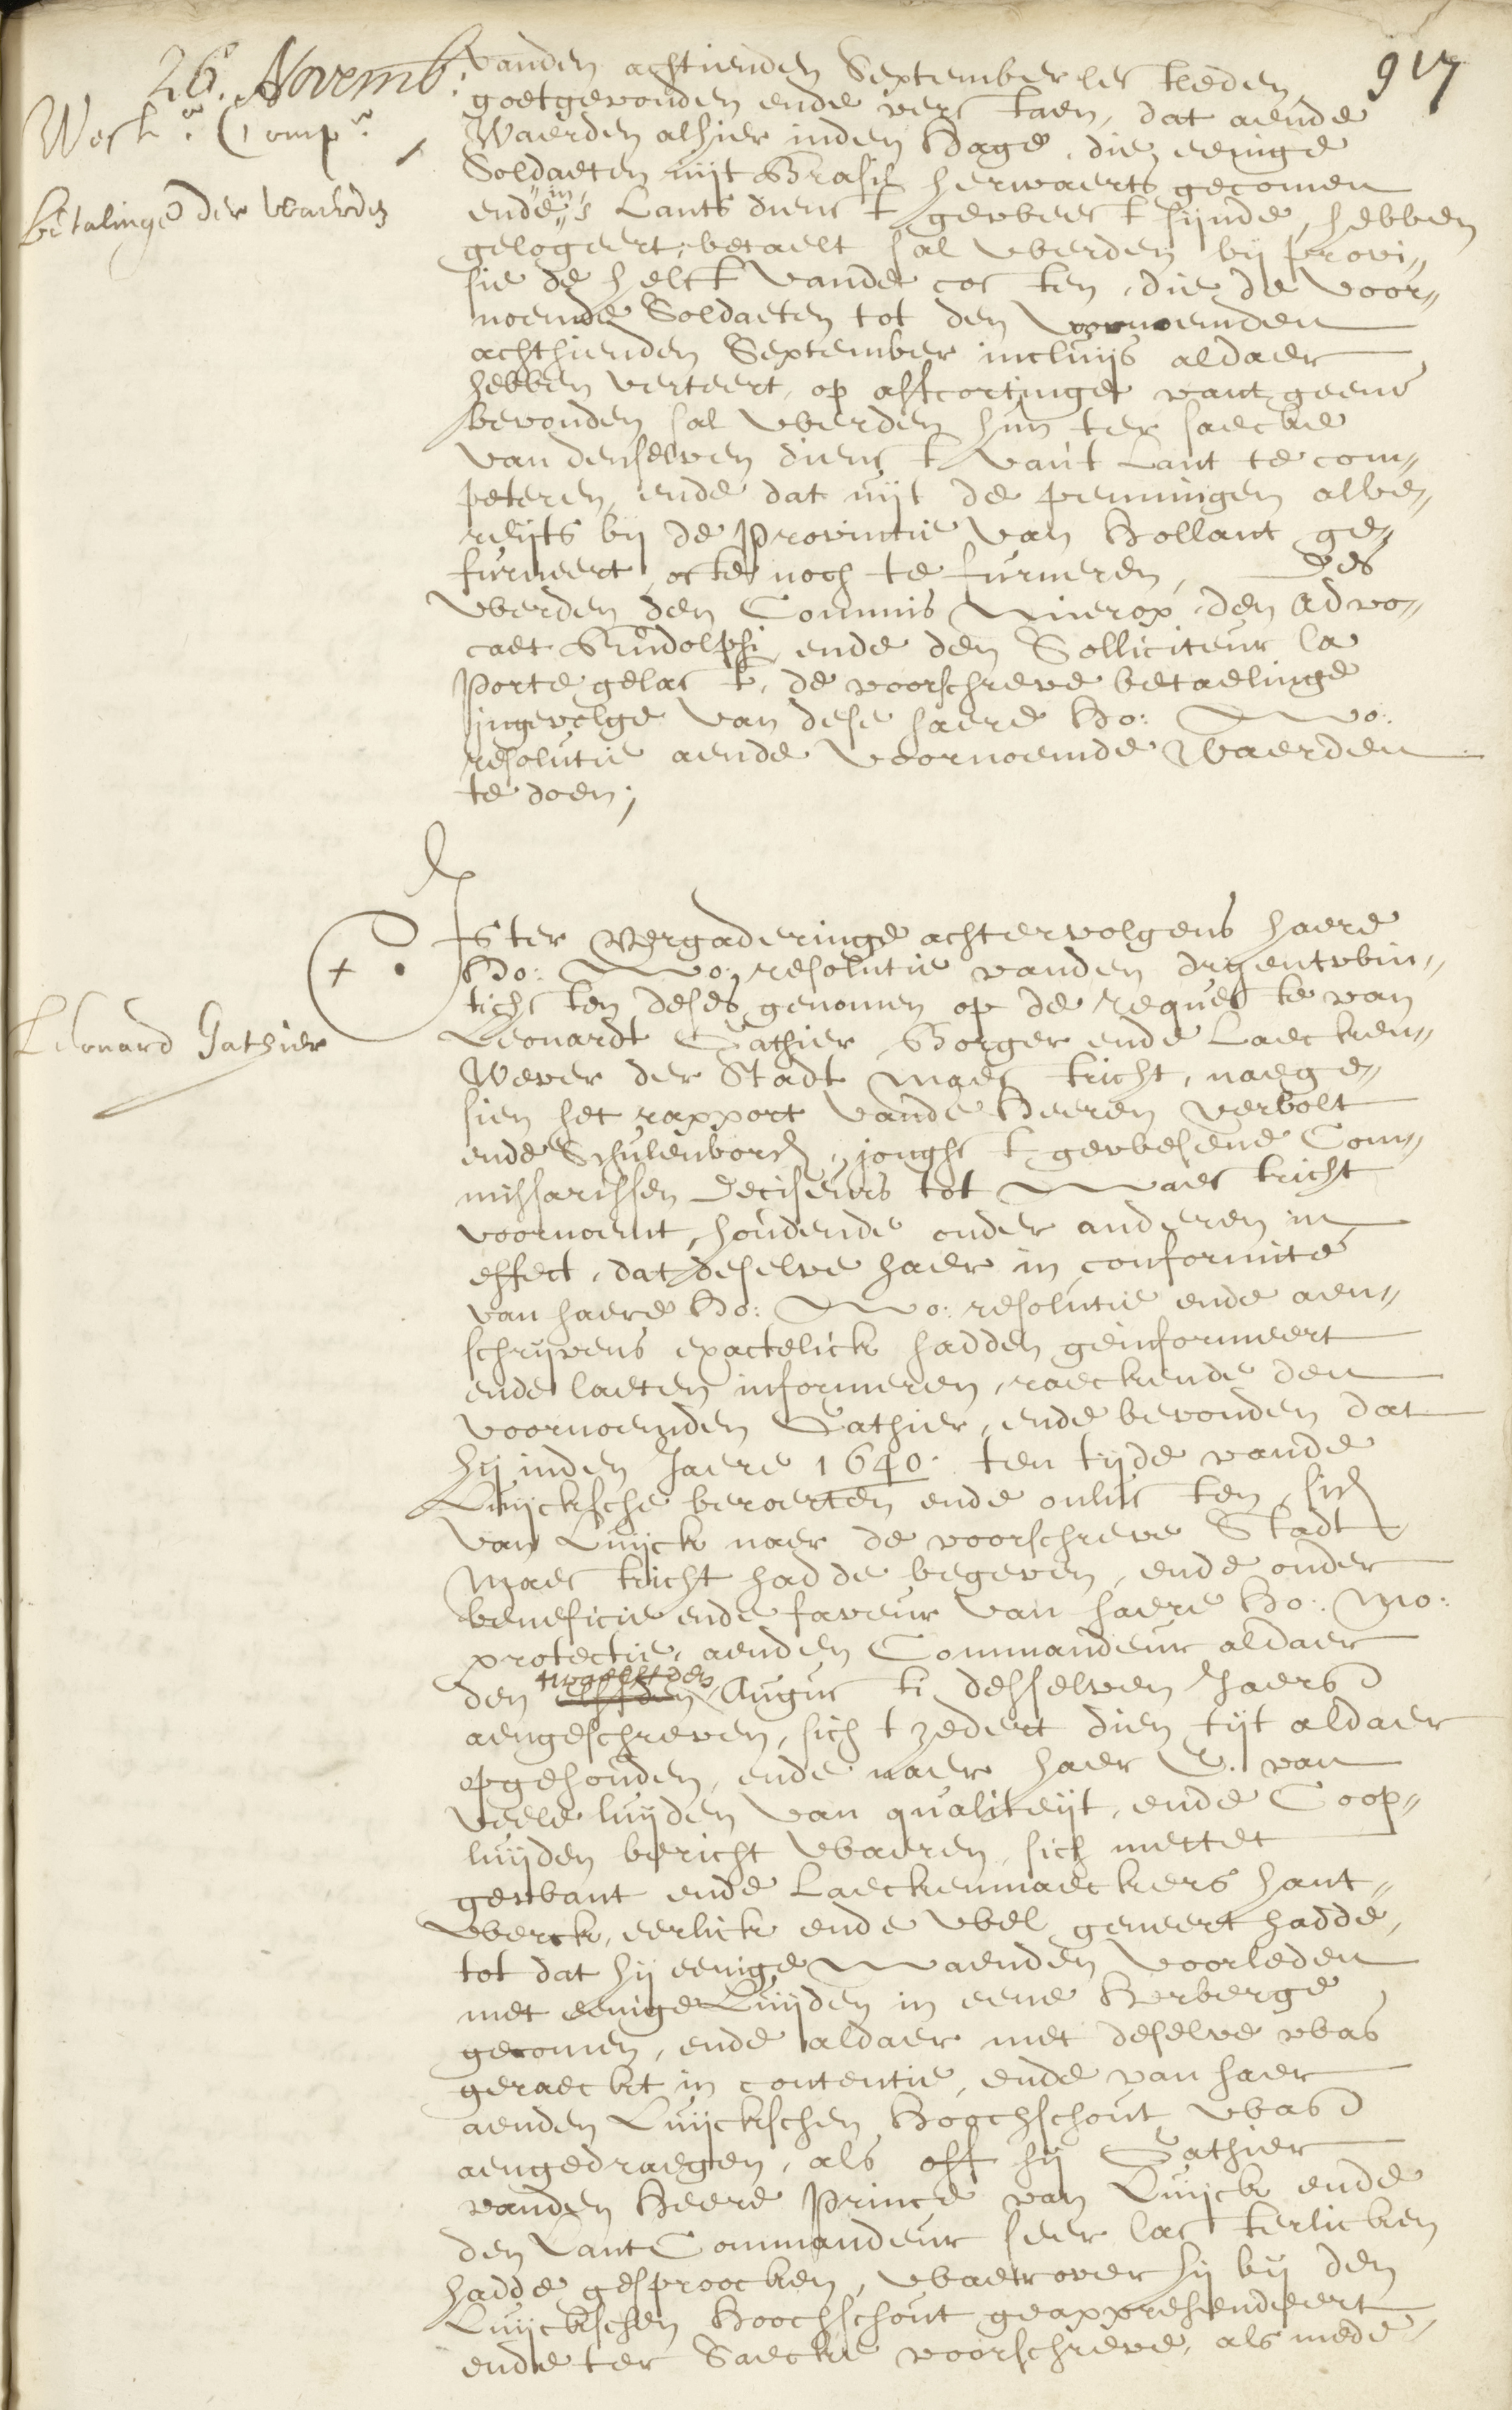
917
26. Novemb:
Weste Compe.
betalinge der waerden
vanden achtienden September lestleden,
goetgevonden ende verstaen, dat aende
Waerden alhier inden Hage, die eenige
Soldaeten uijt Brasil herwaerts gecomen
ende#in 's Lants dienst geweest sijnde, hebben
gelogeert, betaelt sal werden bij provi„
sie de helft vande costen, die de voor„
noemde Soldaeten tot den voornoemden
achthienden September incluijs aldaer
hebben verteert, op affcortinge vant geene
bevonden sal werden hun ter saecke
van denselven dienst van‛t Lant te com„,
peteren, ende dat uijt de penningen albe„
reijts bij de Provintie van Hollant ge„
furneert, ofte noch te furneren. Des
werden den Commis Mierop, den Advo„
caet Rudolpsi, ende den Solliciteur la
Porte gelast, de voorschreve betaelinge
ingevolge van dese haere Ho:Mo:
resolutie aende voornoemde Waerden
te doen;
Leonard Gathier
Is ter Vergaderinge achtervolgens haere
Ho:Mo: resolutie vanden drijentwin„
tichsten deses genomen op de request van
Leonardt Gathier, Borger ende Laecken„
Wever der Stadt Maestricht, naege„
sien het rapport vande Heeren Verbolt
ende Schulenborch, jonghst gewesene Com„
missarissen Deciseurs tot Maestricht
voornoem,t houdende onder anderen in
effect, dat deselve haer in conformité
van haere Ho:Mo: resolutie ende aen,,
schrijvens exactelick hadden geinformeert
ende laeten informeren, raeckende den
voornoemden Gathier, ende bevonden dat
hij inden Jaere 1640. ten tijde vande
Luijcksche beroerten ende onlusten, sich
van Luijck naer de voorschreve Stadt
Maestricht hadde begeven, ende onder
beneficie ende faveur van haere Ho:Mo:
protectie, aenden Commandeur aldaer
den elffden twaelffden Augusti desselven Jaers
aengeschreven, sich t zedert dien tijt aldaer
opgehouden, ende naer haer E. van
veele luijden van qualiteijt, ende Coop„
luijden bericht waeren, sich mettet
gewant ende Laeckenmaeckers hant„
werck, eerlick ende wel geneert hadde,
tot dat hij eenige maenden voorleden
met eenige Luijden in eene Herberge
gecomen, ende aldaer met deselve was
geraeckt in contentie, ende van haer
aenden Luijckschen Hoochschout Was
aengedraegen, als off hij Gathier
vanden Heere Prince van Luijck ende
den Lant Commandeur seer lasterlicken
hadde gesproocken, waerover hij bij den
Luijckschen Hoochschout geapprehendeert
ende ter Saecke voorschreve, als mede
